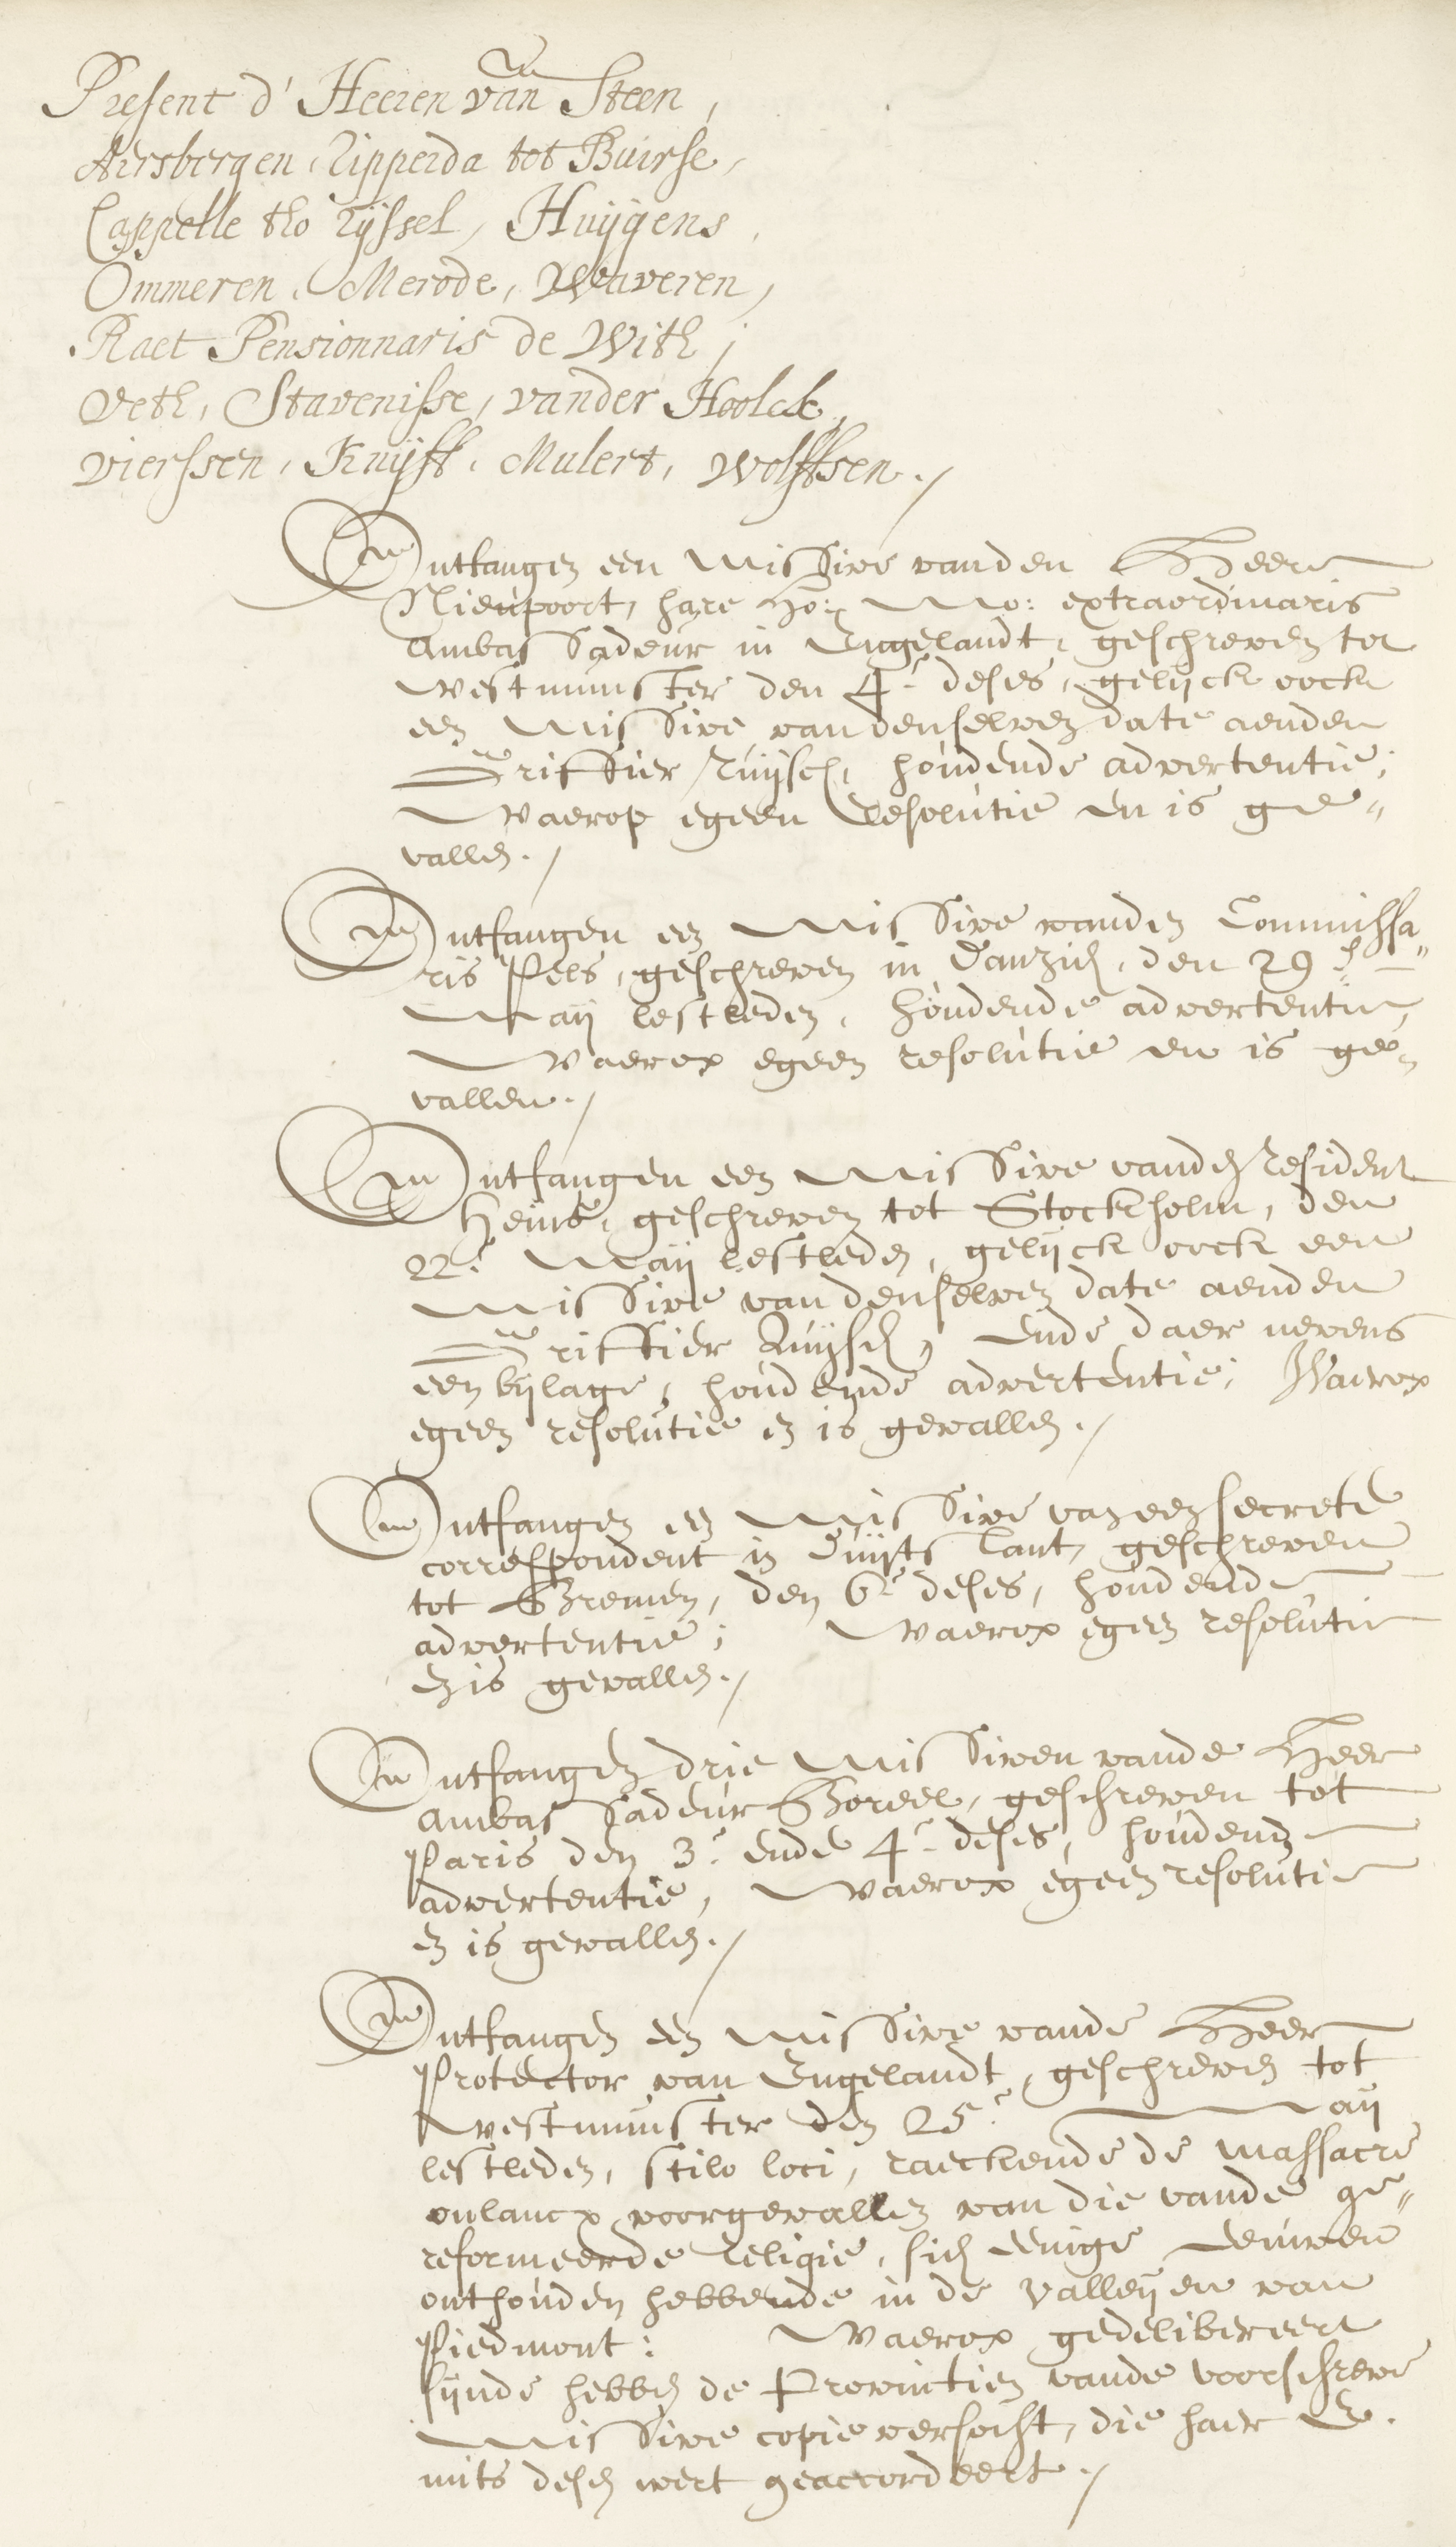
Present d'Heeren van Steen,
Aersbergen, Ripperda tot Buirse,
Cappelle tho rijssel, Huijgens,
Ommeren, Merode, Waveren,
Raet Pensionnaris de With,
Veth, Stavenisse, van der Hoolck,
Vierssen, Knijff, Mulert, Wolffsen.
Ontfangen een Missive vanden Heere
Nieupoort, hare Ho:Mo: extraordinaris
Ambassadeur in Engelandt, geschreven tot
Westmunster den 4e. deses, gelijck oock
een Missive van denselven, date aenden
Griffier Ruijsch, houdende advertentie;
Waerop egeen Resolutie en is ge,,
vallen.
Ontfangen een Missive vanden Commissa„
ris Pels, geschreven in Danzich, den 29en.
Maij lestleden, houdende advertentie,
Waerop egeen resolutie en is ge„
vallen.
Ontfangen een Missive vanden resident
Heins, geschreven tot Stockholm, den
22e. Maij lestleden, gelijck oock een
Missive van denselver date aenden
Griffier Ruijsch, ende daer nevens
een bijlage, houdende advertentie. Waerop
egeen resolutie en is gevallen.
Ontfangen een Missive van een secrete
correspondent in duijtslant, geschreven
tot Bremen, den 6e. deses, houdende
advertentie: Waerop egeen resolutie
en is gevallen.
Ontfangen drie Missiven vande Heer
Ambassadeur Boreel, geschreven tot
Paris den 3e. ende 4e. deses, houdende
advertentie, Waerop egeen resolutie
en is gevallen.
Ontfangen een Missive vande Heer
Protector van Engelandt, geschreven tot
Westmunster den 25e. Maij
lestleden, stilo loci, raeckende de massacre
onlancx, voorgevallen van die vande ge„
reformeerde religie, sich eenige eeuwen
onthouden hebbende in de valleijen van
Piedmont: Waerop gedelibereert
sijnde hebben de Provintien vande voorschreve
Missive copie versocht, die haer E.
mits desen wert geaccordeert.
